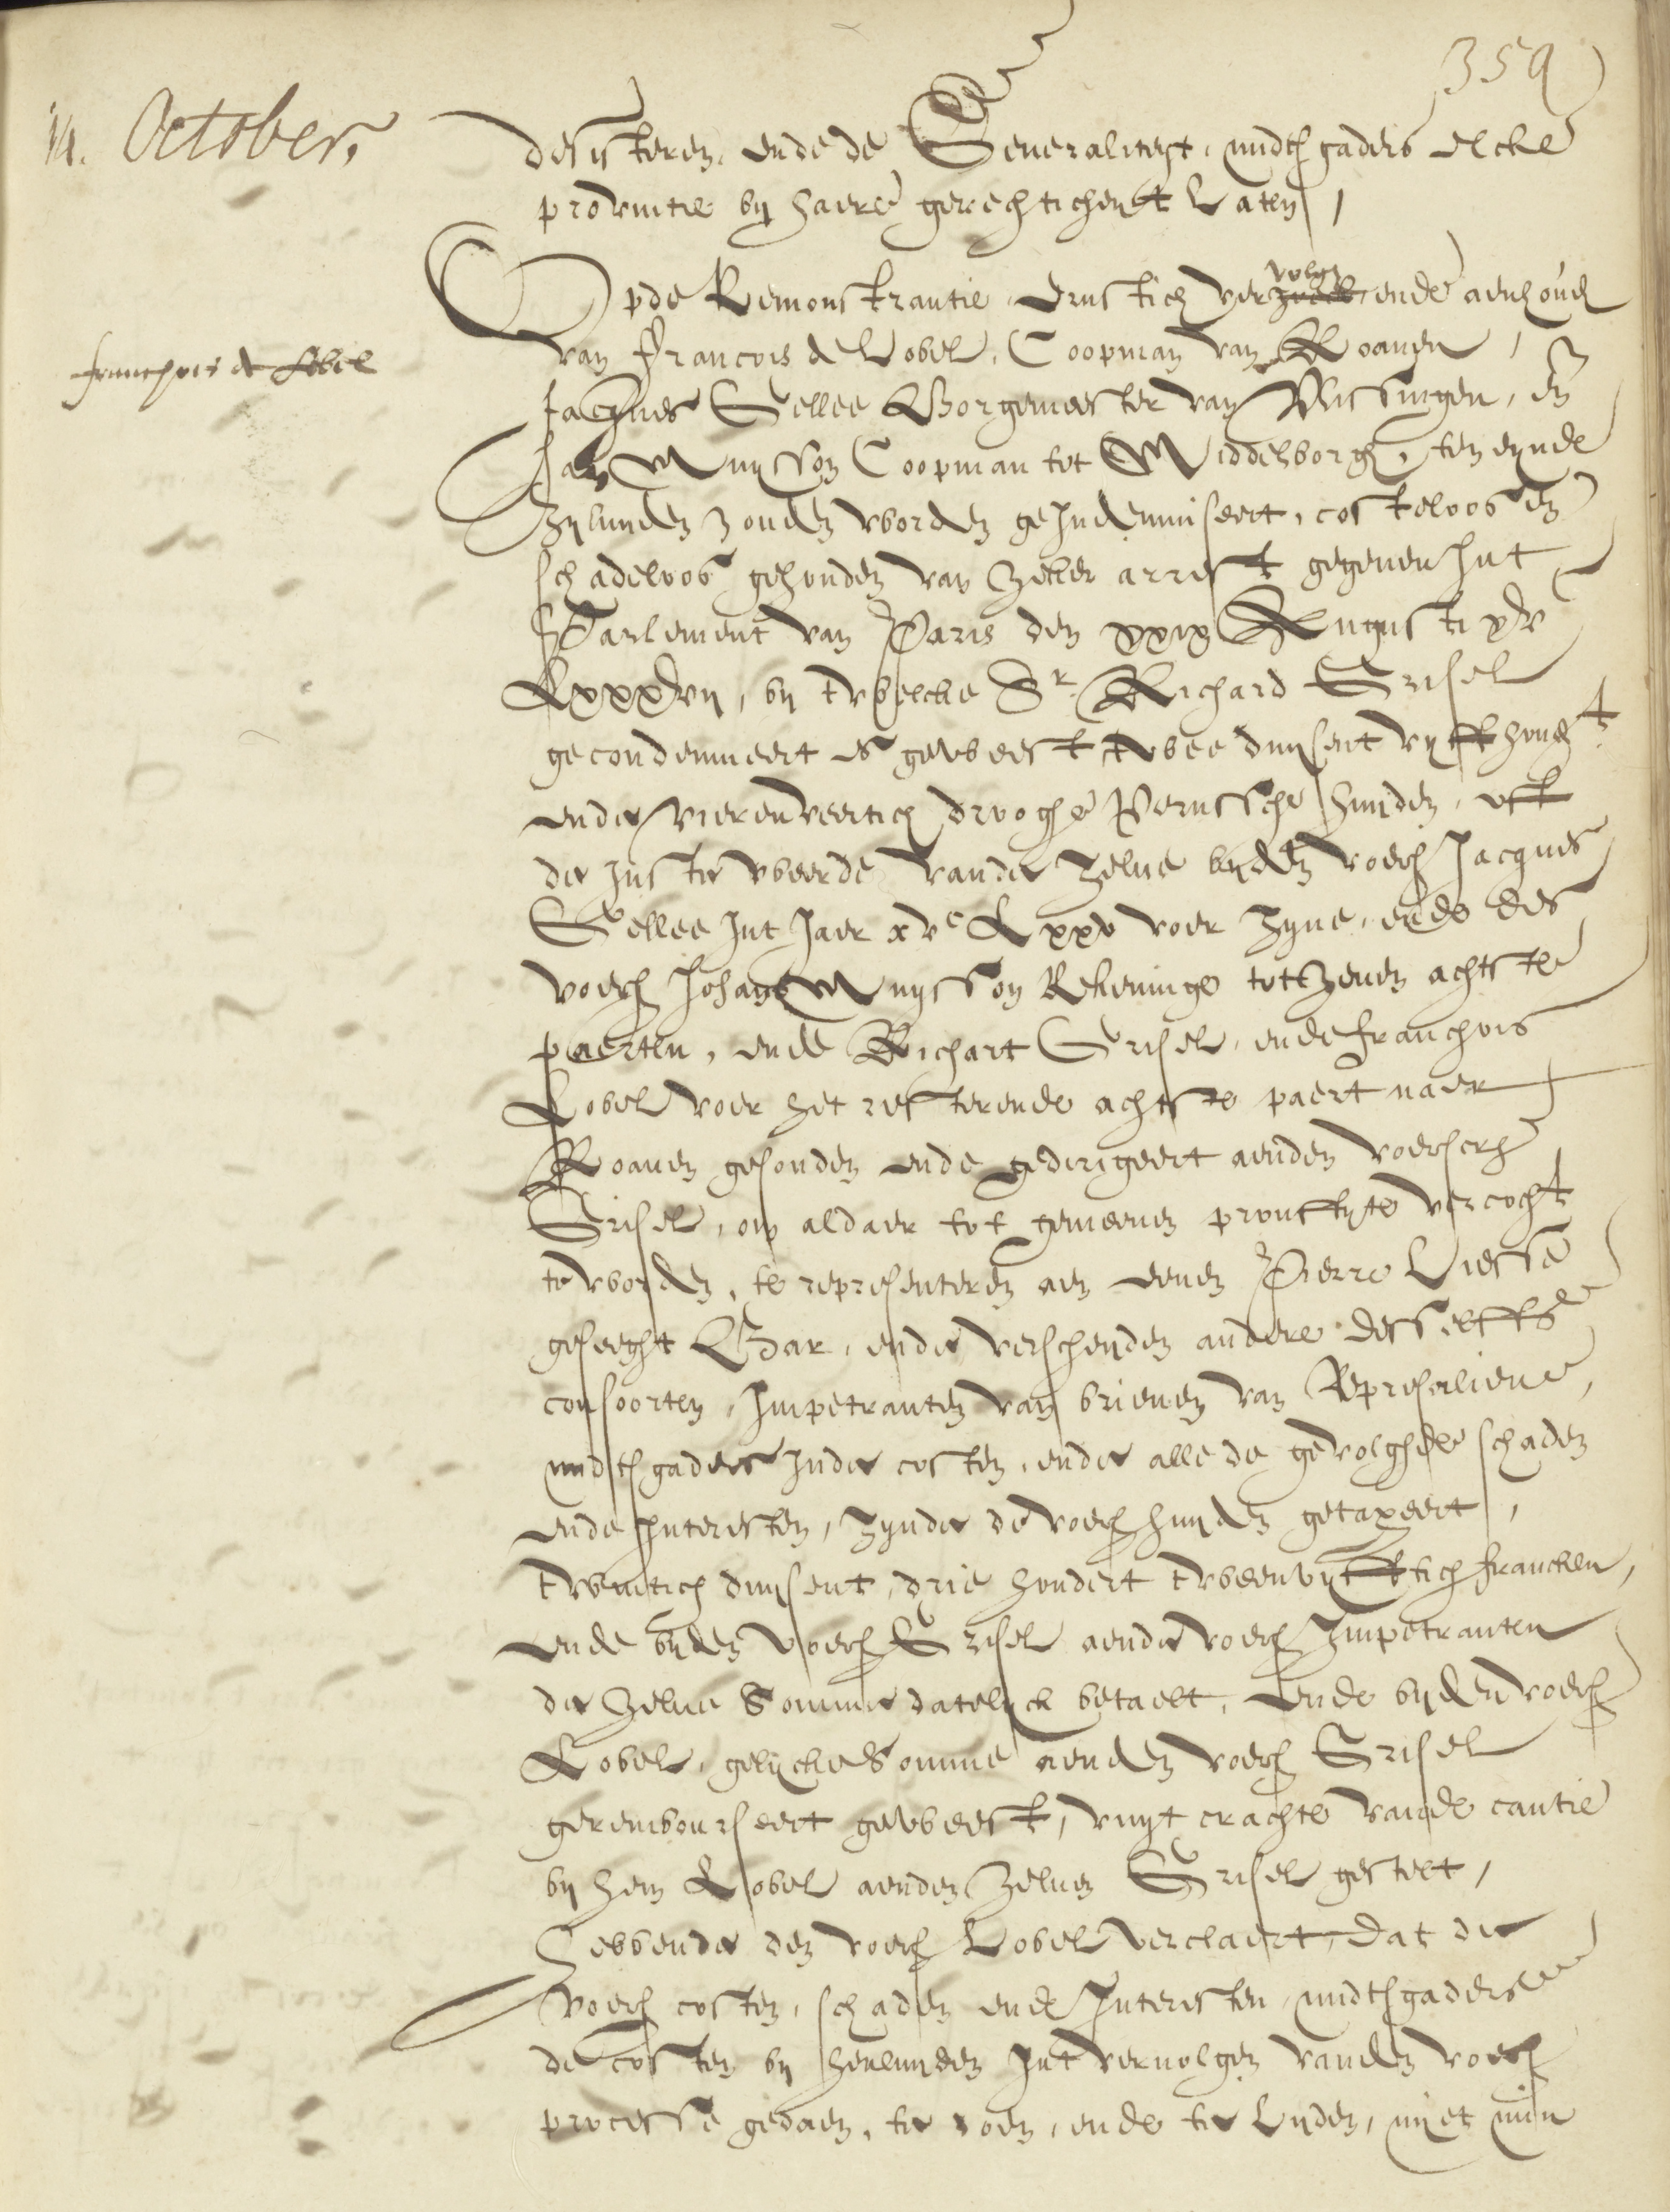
359
14. October.
desisteren, ende de Generaliteyt, midtsgaders elcke
provintie by haere gerechticheyt laten.
franchois de Lobel
Opde Remonstrantie, ernstich verzueckvolgh ende aenhoud
van Francois de Lobel, Coopman van Roanen,
Jacques Gellee Borgemeester van Vlissingen, en
Jan Muysson Coopman tot Middelborgh, ten eynde
zyluyden zouden worden geIndemniseert, costeloos en
schadeloos gehouden van zeker arrest gegeuen Int
Parlement van Paris den xxix Augusti xvC
Lxxxvij, by twelcke Sr Richard Grisel
gecondemneert es geweest twee duysent vyffhondt
ende vierenveertich drooghe Perussche huyden, off
de juste weerde vande zelue byden voers Jacques
Gellee Int Jaer xvCLxxv voer zyne, ende des
voers Johans Muysson Rekeninge tot zeuen achtste
paerten, ende Richart Grisel, ende franchois
Lobel voer het resterende achtste paert naer
Roanen gesonden ende gedirigeert aenden voerscr
Grisel, om aldaer tot gemeenen prouffyte vercocht
te worden, te representeren aen eenen Pierre Liesse
geseeght Bar, ende verscheyden andere desselffs
consoorten, Impertranten van brieven van represaliene,
midtsgaders Inde costen, ende alle de gevolghde schaden
ende Interesten, zynde de voers huyden getaxeert,
twintich duysent, drie hondert tweenvyfftich francken,
ende byden voers Grisel aende voers Impetranten
de zelve Somme datelyck betaelt, Ende byden voers
Lobel, gelycke Somme aenden voers Grisel
gerembourseert geweest, vuyt crachte vande cautie
by hem Lobel aenden zeluen Grisel gestelt,
hebbende den voers Lobel verclaert, dat de
voers costen, schaden ende Interesten midtsgaders
de costen by henluyden Int veruolgen vanden voers
processe gedaen, te doen, ende te lyden, nijet min
